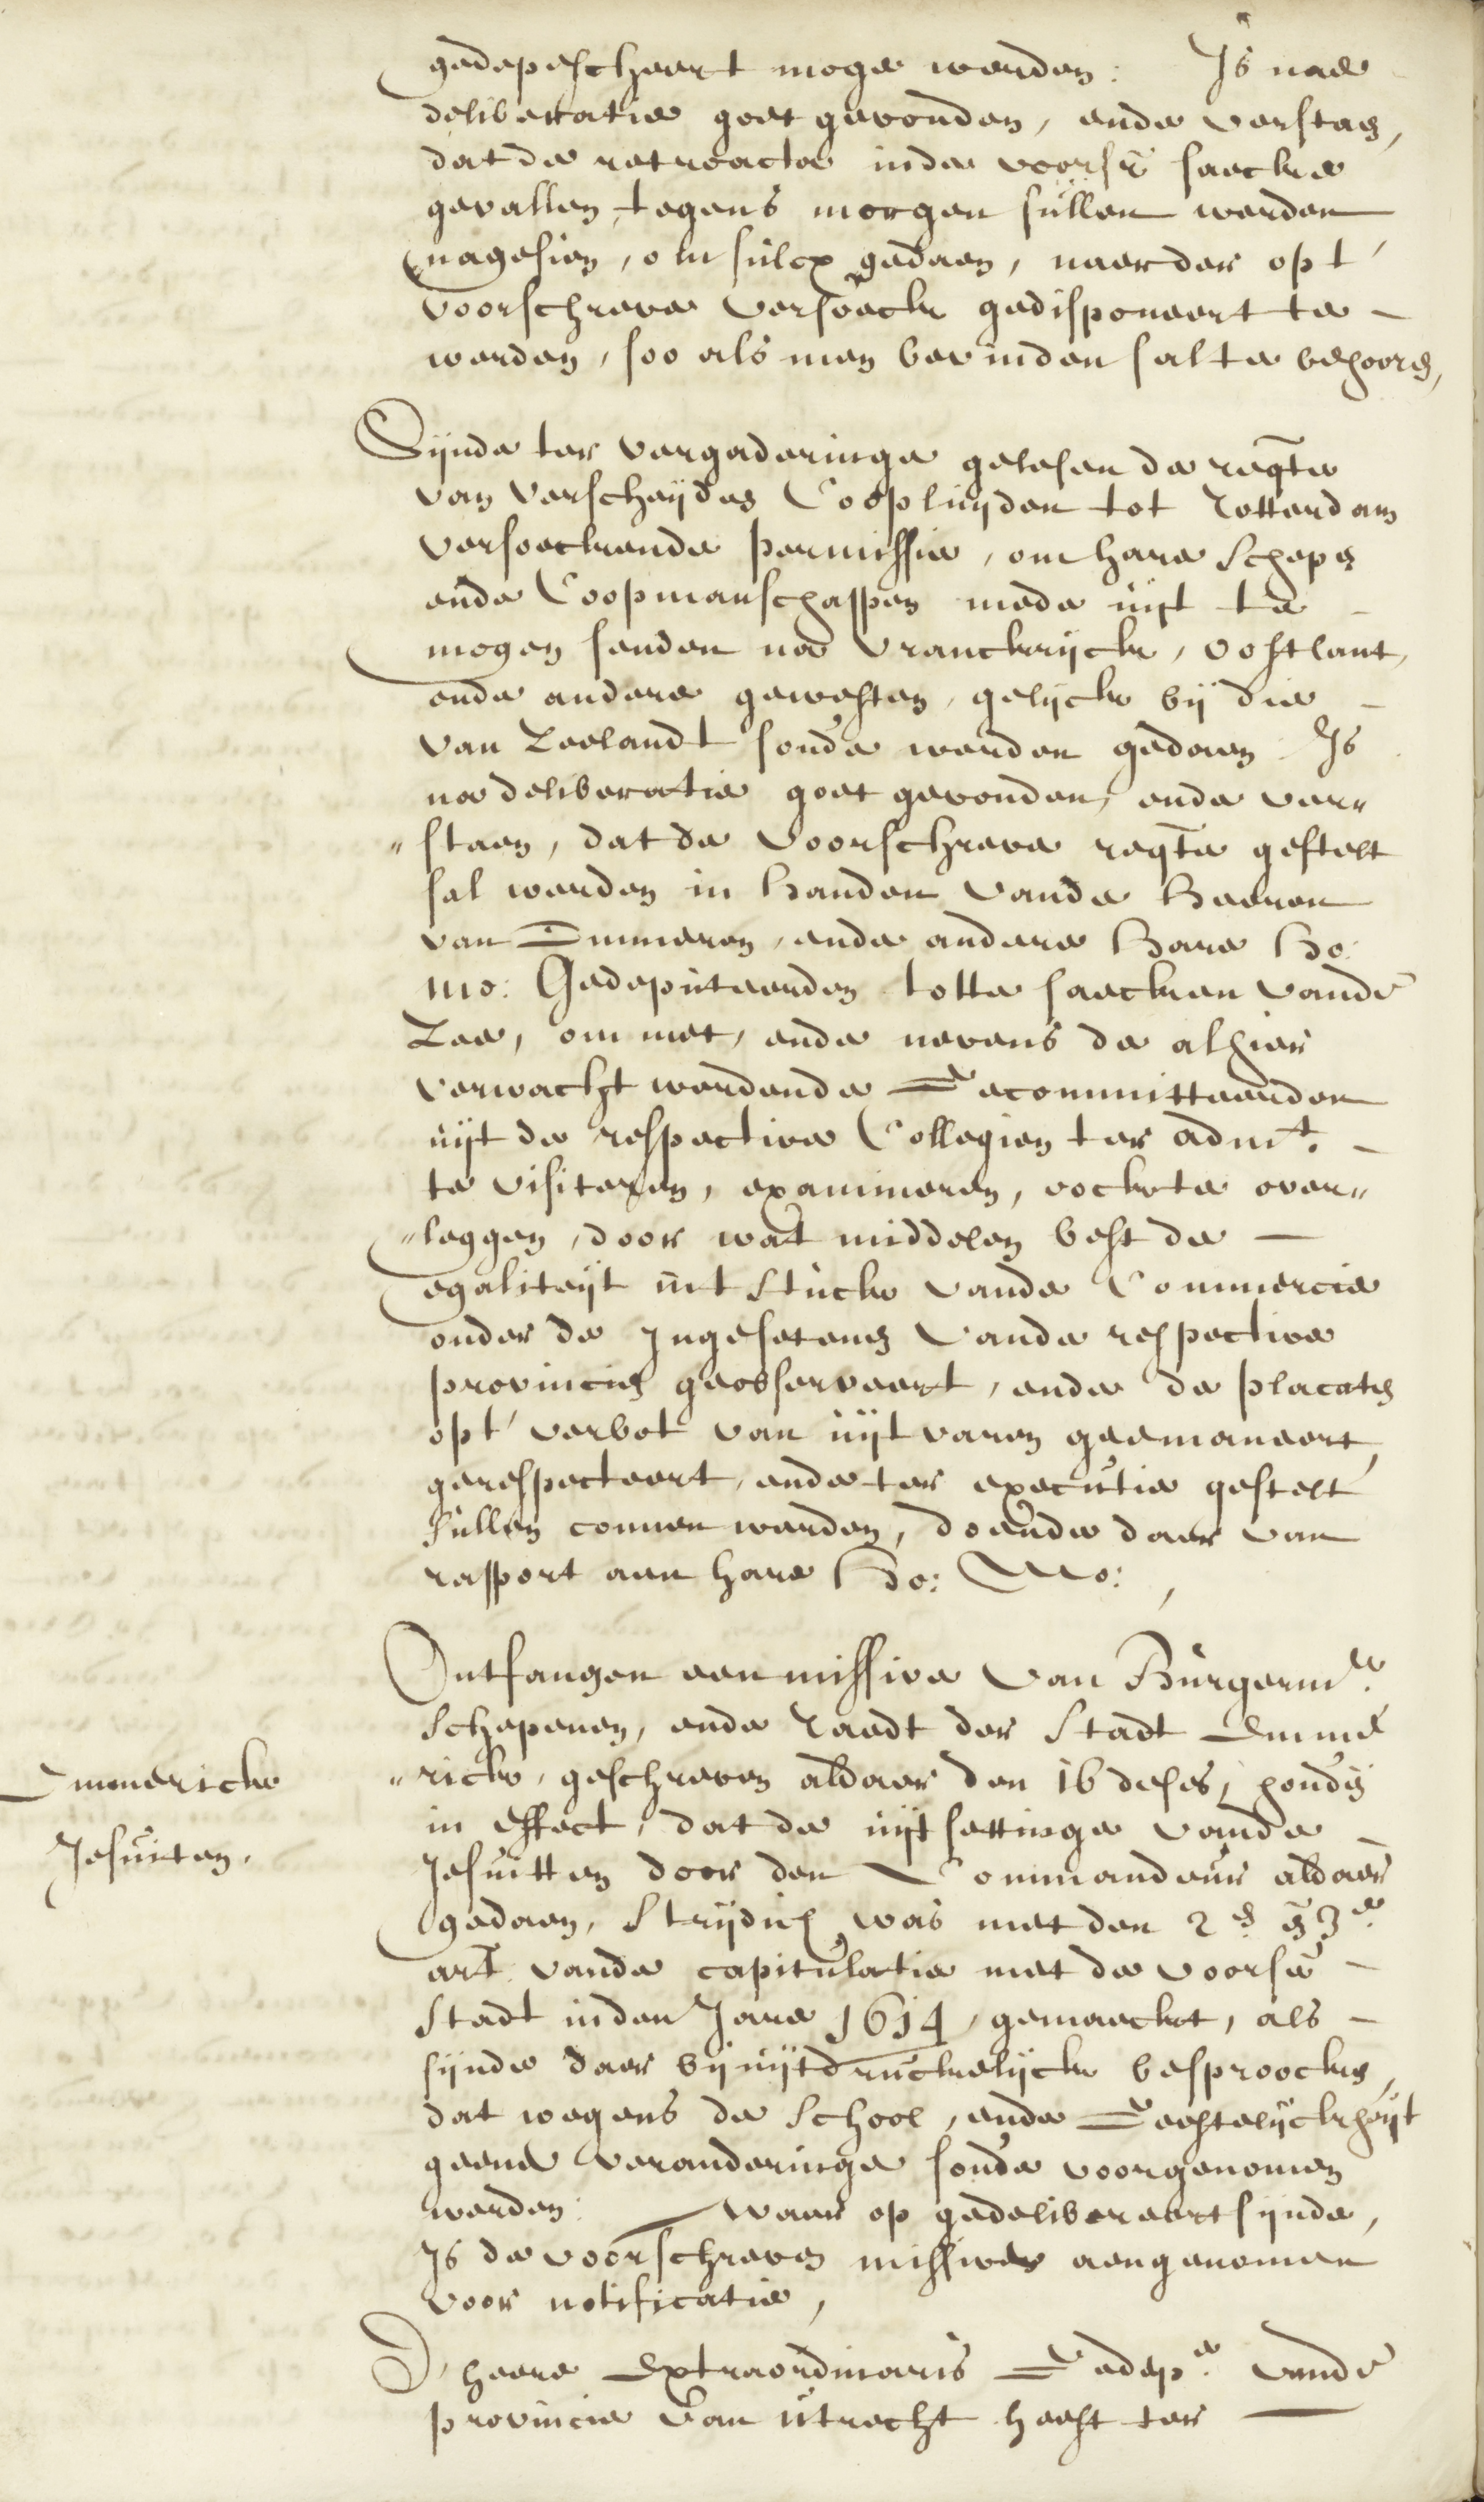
gedepescheert moge werden: Is nae
deliberatie goet gevonden, ende verstaen
dat de retroacta inde voorsr saecke
gevallen, tegens morgen sullen werden
nagesien, om sulcx gedaen, naerder opt'
voorschreve versoeck gedisponeert te -
werden, soo als men bevinden sal te behooren.
Sijnde ter vergaderinge gelesen de reqte
van verscheijden Coopluijden tot Rotterdam
versoeckende permissie, om hare schepen
ende Coopmanschappen mede uijt te
mogen senden na Vranckrijck, Oostlant,
ende andere gewesten, gelijck bij die
van Zeelandt soude worden gedaen: Is
na deliberatie goet gevonden, ende ver„
,,staen, dat de voorschreve reqte gestelt
sal werden in handen vande Heeren
van Ommeren, ende andere Hare Ho:
Mo: Gedeputeerden totte saecken vande
Zee, om met, ende nevens de alhier
verwacht wordende Gecommitteerden
uijt de respective Collegien ter Admt -
te visiteren, examineren, oock te over„
,,leggen, door wat middelen best de
egaliteijt int Stuck vande Commercie
onder de Ingesetenen vande respective
provincie geobserveert, ende de placaten
opt‛ verbot van uijtvaren geemaneert,
gerespecteert, ende ter executie gestelt
sullen connen werden, doende daer van
rapport aen hare Ho:Mo:
Emmerick
Jesuiten.
Ontfangen een missive van Burgermr.
Schepenen, ende raedt der Stadt Emme„
,,rick, geschreven aldaer den 16 deses, houden
in effect, dat de uijtsettinge vande
Jesuitten door den Commandeur aldaer
gedaen, Strijdich was met den 2e en 3e
art vande capitulatie met de voorsr -
stadt inden Jare 1614 gemaeckt, als -
sijnde daer bij uijtdruckelijck besproocken,
dat wegens de school, ende Geestelijckheijt
geene veranderinge soude voorgenomen
werden. waer op gedelibereert sijnde,
Is de voorschreven missive aengenomen
voor notificatie.
D'heere Extraordinaris Gedepe vande
provincie van Utrecht heeft ter —
